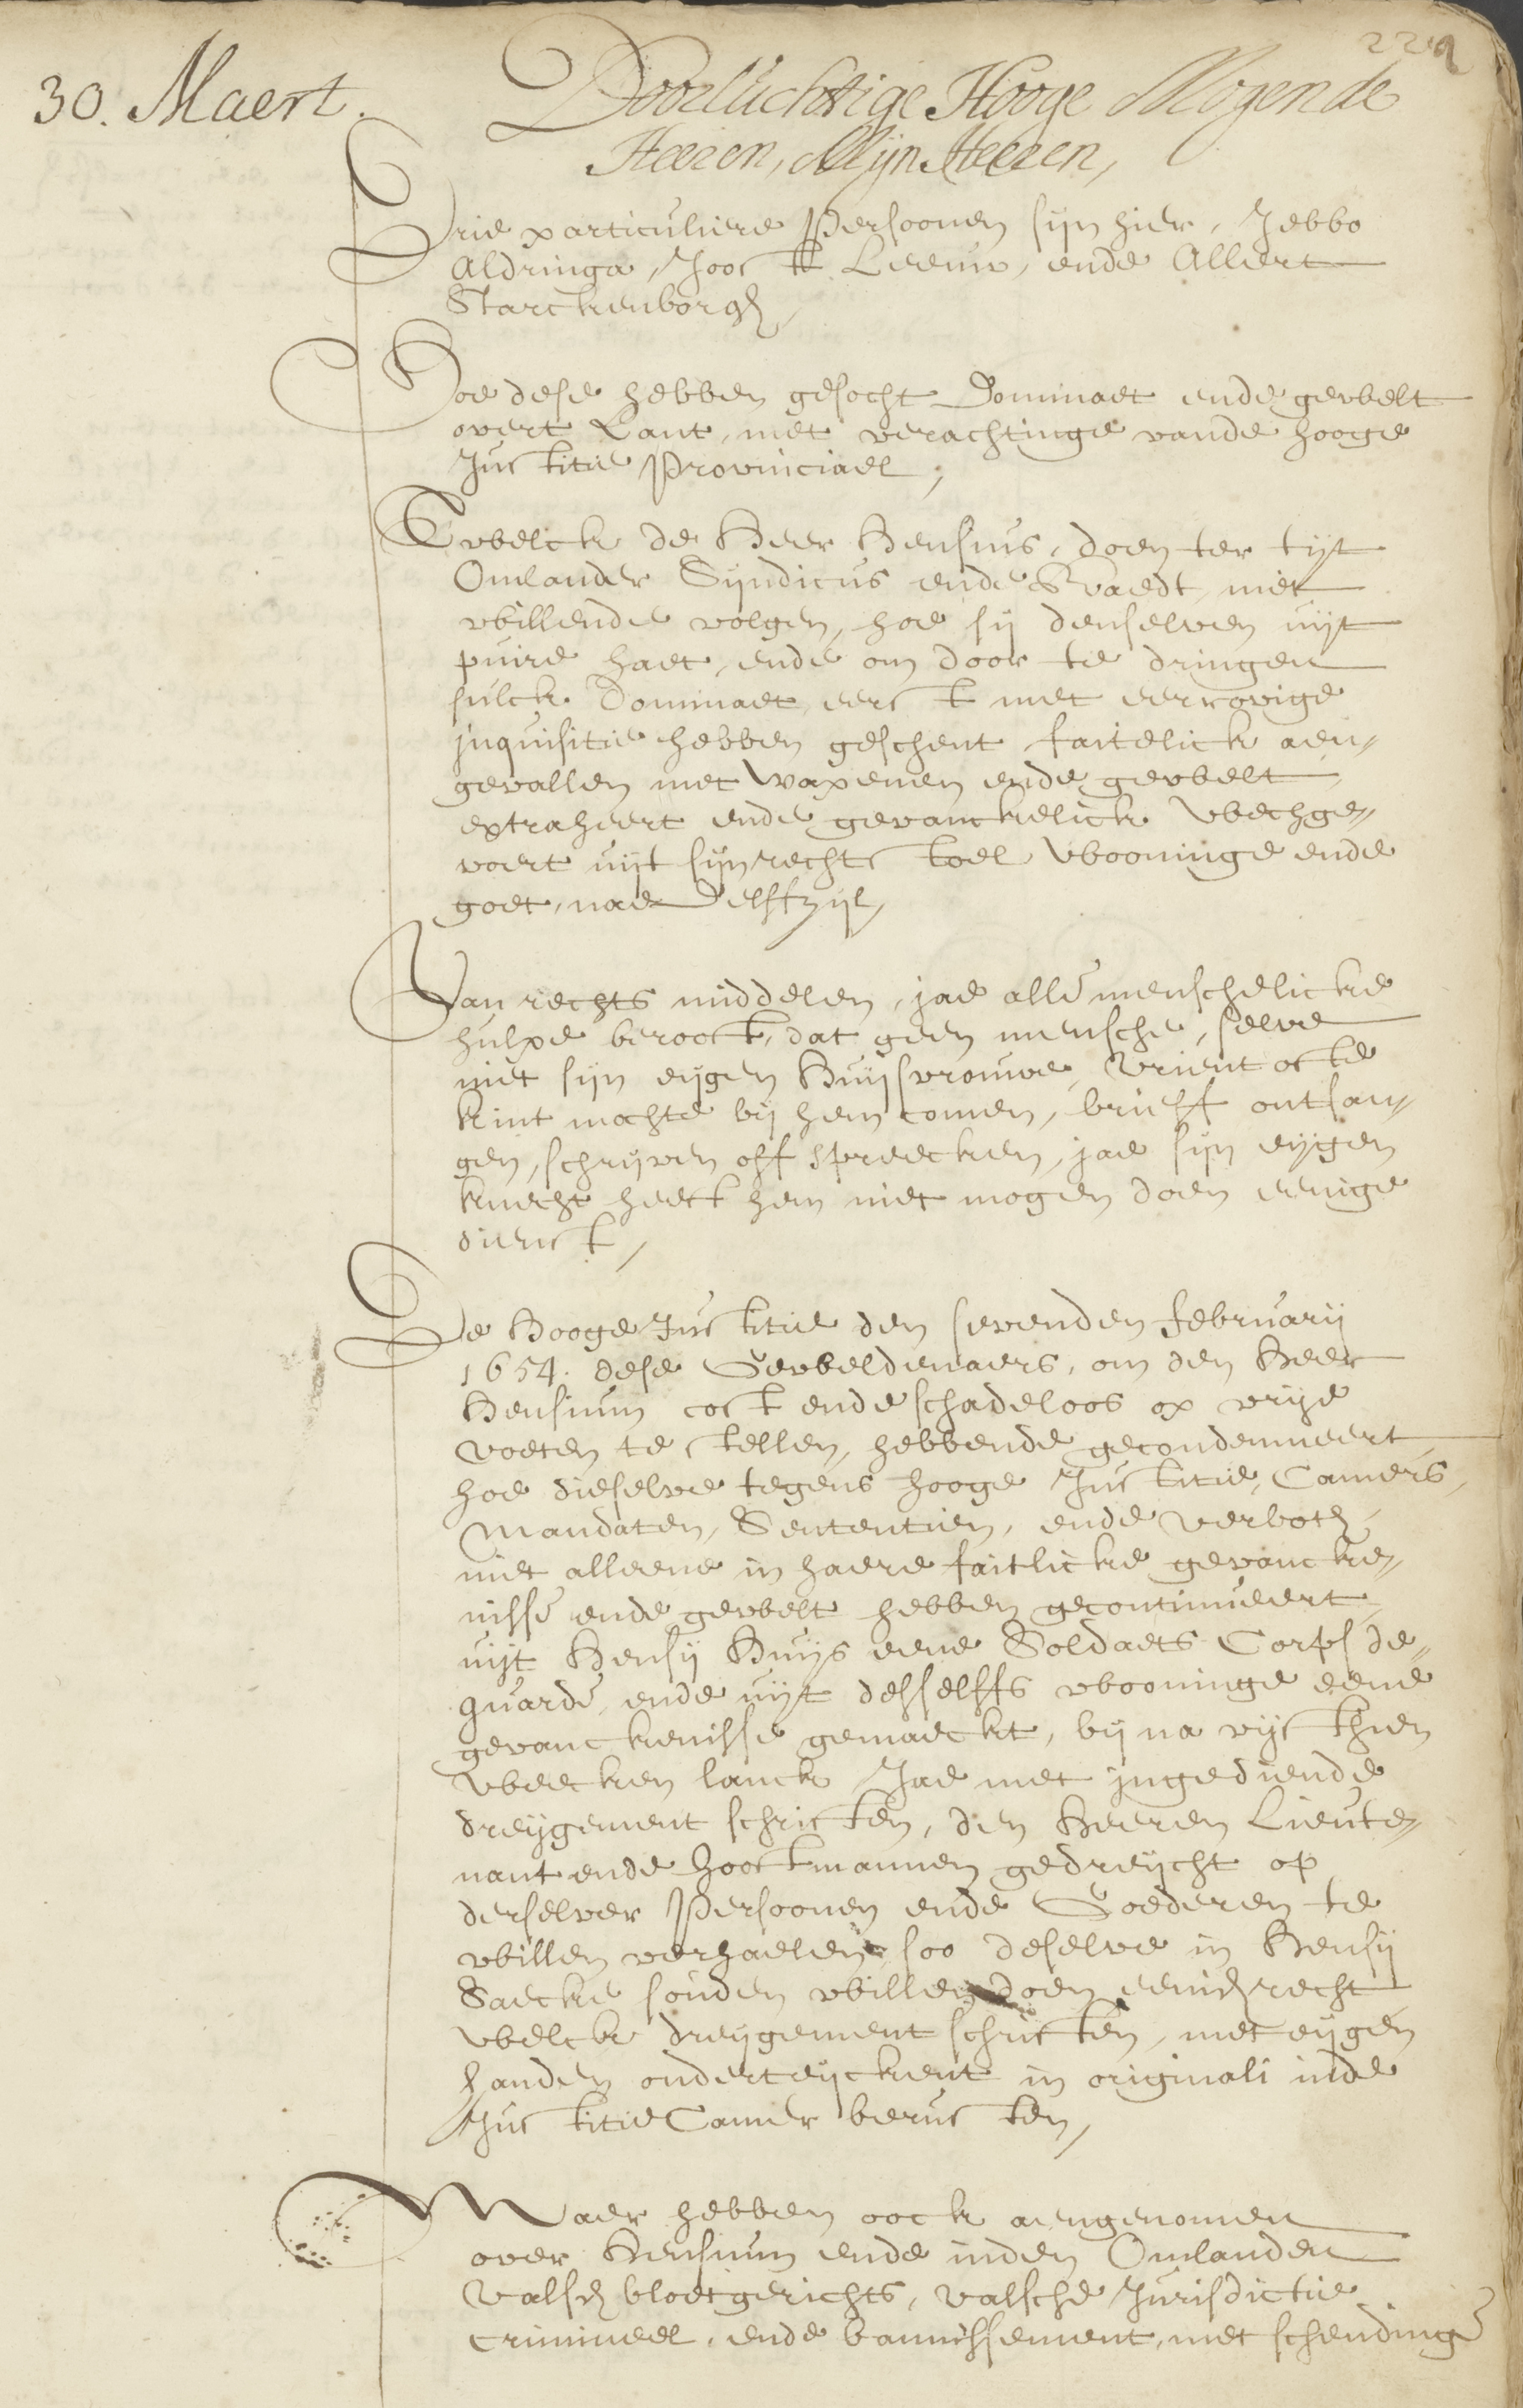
224.
30. Maert.
Doorluchtige Hooge Mogende
Heeren, Mijn Heeren,
Drie particuliere Persoonen sijn hier, Jebbo
Aldringa, Joost Leeuw, ende Allert
Starckenborgh
Hoe dese hebben gesocht Dominaet ende gewelt
overt Lant, met verachtinge vande hooge
Justitie Provinciael;
Twelck de Heer Hensius, doen ter tijt
Omlander Sijndicus ende Raedt, niet
willende volgen, hoe sij denselven uijt
puire haet, ende om door te dringen
sulck Dominaet, eerst met eerrovige
inquisitie hebben geschent, faitelick aen„
gevallen met wapenen ende gewelt
extraheert ende gevanckelick wechge„
voert uijt sijn rechtstoel, wooninge ende
goet, naer Delffzijl.
Van rechts middelen, jae alle menschelicke
hulpe berooft, dat geen mensche, selve
niet sijn eijgen Huijsvrouwe, vrient ofte
kint mochte bij hem comen, brieff ontfan,,
gen, schrijven off spreecken, jae sijn eijgen
knecht heeft hem niet mogen doen eenige
dienst.
De hooge Justitie den sevenden februarij
1654. dese Geweldenaers, om den heer
Hensium cost ende schadeloos op vrije
voeten te stellen, hebbende gecondemneert
hoe dieselve tegens hooge Justitie, Camers,
Mandaten, Sententien, ende Verboth,
niet alleene in haere faitlicke gevancke„
nisse ende gewelt hebben gecontinueert
uijt Hensij Huijs eene Soldaets Corps de
guarde, ende uijt desselffs wooninge eene
gevanckenisse gemaeckt, bij na vijfthien
weecken lanck, Jae met ingediende
dreijgement schriften, den heeren Lieute„
nant ende hooftmannen gedreijcht op
derselver Persoonen ende Goederen te
willen verhaelen soo deselve in Hensij
Saecke souden willen doen eenichrecht
welck dreijgement schriften, met eijgen
handen onderteijckent in originali inde
Justitie Camer berusten.
Waer hebben oock aengenomen
over Hensium ende inden Omlanden
valsch bloetgerichts, valsche Jurisdictie
crimineel, ende bannissement, met schendinge
